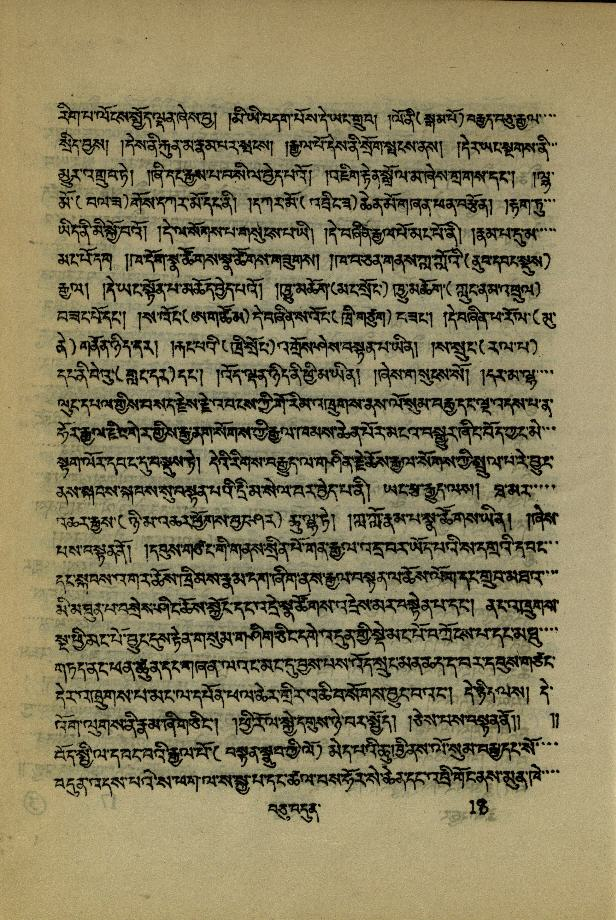རིག་པ་ལོངས་སྤྱོད་ལྡན་ཞེས་བྱ། །མི་ཡི་བདག་པོས་དེ་ཡང་གྲུབ། །ལོ་ནི་སྒམ་པོ་བརྒྱད་བཅུ་རྒྱལ་
སྲིད་བྱས། །དེས་ནི་རྐུན་མ་རྣམ་པར་སྤངས། །རྒྱལ་པོ་དེས་ནི་སྲོག་སྤངས་ནས། །དེར་ཡང་སྔགས་ནི་
མྱུར་འགྲུབ་ཏེ། །ཞི་དང་རྒྱས་པ་བསིལ་བྱེད་པའོ། །འཇིག་རྟེན་སྒྲོལ་མ་ཞེས་གྲགས་དང་། །ལྷ་
མོ་བལ་ཟ་གོས་དཀར་མོ་དང་ནི། །དཀར་མོ་འབྲིང་ཟ་ཆེན་མོ་གཞན་ཕན་བརྩོན། །རྟག་ཏུ་
ཡིད་ནི་མི་སྐྱོ་བའོ། །དེ་ལ་སོགས་པ་གསུངས་པ་ཡི། །དེ་བཞིན་རྒྱལ་པོ་མང་པོ་ནི། །རྣམ་པ་དུ་མ་
མང་པོ་དག །ཁ་དོག་སྣ་ཚོགས་སྣ་ཚོགས་གཟུགས། །ཁ་བ་ཅན་གནས་ཀླ་ཀློའི་ནུབ་དབང་སྡུས
རྒྱལ། །དེ་ཡང་སྟོན་པ་མཆོད་བྱེད་པའོ། །ཁྱུ་མཆོག་མང་སྲོང་ཁྱུ་མཆོག་ཀླུང་ནམ་འཕྲུལ
བཟང་པོ་དང་། །ས་འོང་ཨག་ཚོམ་དེ་བཞིན་ས་འོང་ཁྲི་གཙུག་བཟང་། །དེ་བཞིན་ཕ་རོལ་མུ་
ནེ་གནོན་ཉིད་དར། །རྐང་པའི་ཁྲི་སྲོང་འགྲོས་ཤེས་བསྟན་པ་ཡིན། །ས་སྲུང་རལ་པ
དང་ནི་བེའུ་གླང་དར་དང་། །འོད་ལྡན་ཉིད་ནི་ཕྱི་མ་ཡིན། །ཞེས་གསུངས་སོ། །དར་མ་ལྷ་
ལུང་དཔལ་གྱིས་བསད་རྗེས་རྗེ་འབངས་ཀྱི་གོ་རིམ་འཁྲུགས་ནས་ལོ་སུམ་བརྒྱ་དང་ལྔ་འདས་པ་ན་
ཧོར་རྒྱལ་ཇིང་གེར་གྱིས་རྒྱ་ནག་སོགས་ཀྱི་རྒྱལ་ཁམས་ཆེན་པོར་མངའ་བསྒྱུར་ཞིང་བོད་ཀྱང་མེ་
སྟག་ལོར་དབང་དུ་བསྡུས་ཏེ། དེའི་རིགས་བརྒྱུད་ལ་གཤིན་རྗེ་ཆོས་རྒྱལ་སོགས་ཀྱི་སྤྲུལ་པ་རེ་བྱུང་
ནས་སྐབས་སུ་བསྟན་པའི་དྲི་མ་སེལ་བར་བྱེད་པ་ནི། ཡང་རྩ་རྒྱུད་ལས། ཐ་མར་
འཆར་རྒྱས་ཉི་མ་འཆར་ཕྱོགས་བྱང་ཤར་ཆུ་ལྷ་ཏེ། །ཀླ་ཀློ་རྣམ་པ་སྣ་ཚོགས་ཡིན། །ཞེས་
པས་བསྟན་ནོ། །དབུས་གཙང་གི་གནས་སྲིན་པོ་གན་རྒྱལ་འདྲ་བར་ཡོད་པའི་ས་དགྲའི་དབང་
དང་སྐབས་འགར་ཆོས་ཁྲིམས་རྣམ་དག་ཞིག་ནས་རྒྱལ་བསྟན་ལ་ཆོས་ལོག་དང་གྲུབ་མཐའ་
མི་མཐུན་པ་བསྲེས་ཤིང་ཆོས་སྐྱོང་དང་འདྲེ་སྣ་ཚོགས་འདྲེས་མར་བསྟེན་པ་དང་། ནང་འཁྲུགས་
སྔ་ཕྱི་མང་པོ་བྱུང་དུས་རྟེན་གསུམ་གཤིག་ཅིང་དགེ་འདུན་གྱི་སྡེ་མང་པོ་བཀྲོངས་པ་དང་མཐུ་
གཏད་ནང་ཕན་ཚུན་དང་གཞན་ལའང་མང་དུ་བྱས་པས་འོད་སྲུང་མན་ཆད་ད་བར་དབུས་གཙང་
དེར་འཁྲུགས་པ་མང་ལ་དཔོན་ཕལ་ཆེར་གྲིར་འཆི་བ་སོགས་བྱུང་བའང་། དེ་ཉིད་ལས། དེ་
འོག་ལུགས་ནི་རྣམ་ཞིག་ཅིང་། །ཕྱི་རོལ་སྐྱེ་དགུས་ཉེ་བར་སྤྱོད། །ཅེས་པས་བསྟན་ནོ།། །།
བོད་སྤྱི་ལ་དབང་བའི་རྒྱལ་པོ་བསྟན་སྣུབ་ཀྱི་ལོ་མེད་པའི་ཆུ་ཁྱི་ནས་ལོ་སུམ་བརྒྱ་དང་སོ་
བདུན་འདས་པའི་ས་ཕག་ལ་ས་སྐྱ་པ་དང་ཚལ་བས་ཧོར་སེ་ཆེན་དང་འབྲི་གོང་ནས་མུན་ཁེ་